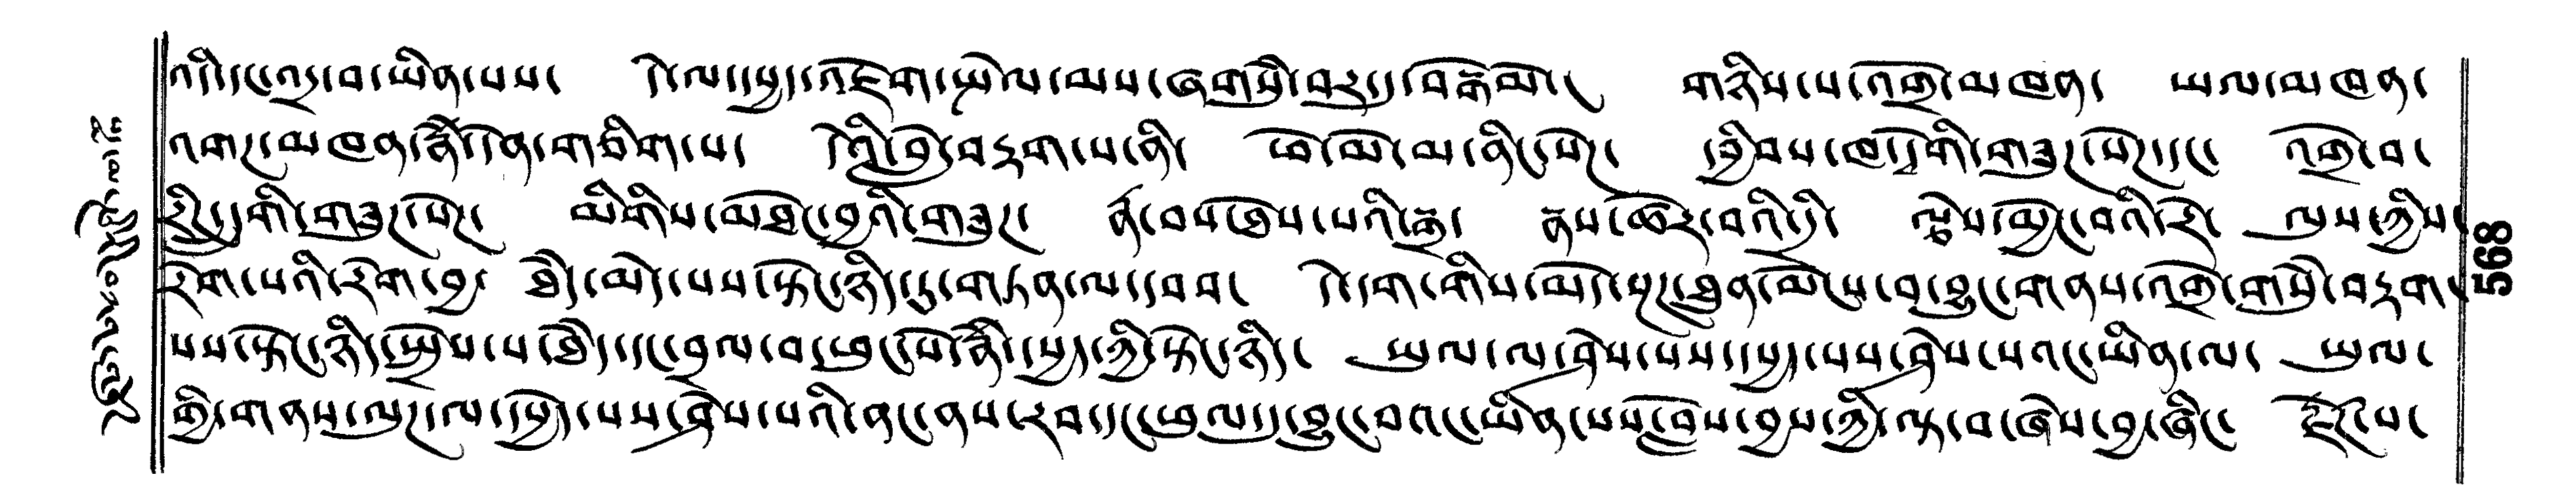འདི་དང་འདྲ་བ་ཡིན་པས། དེ་ལ་དཔྱད་འཇོག་སྤེལ་མས་ཞག་གསུམ་བར་དུ་བསྒོམ་མོ། གཉིས་པ་འགྲོ་མཁན། ཡལ་མཁན་
འགགས་མཁན་རྣམས་དོན་གཅིག་པ། དེའི་བློ་བརྟག་པ་ནི། ཕོ་མོ་མ་ནིང་སོགས།དབྱིབས་ཁ་དོག་གི་གཟུགས་སོགས་དང་། འགྲོ་བ་
རིགས་དྲུག་གི་གཟུགས་སོགས། མིག་གིས་མཐོང་བྱའི་གཟུགས། རྣ་བས་ཐོས་པའི་སྒྲ། སྣས་ཚོར་བའི་དྲི། ལྕེས་མྱོང་བའི་རོ། ལུས་ཀྱིས་
རེག་པའི་རེག་བྱ། ཐམས་ཅད་མེད་པས་སྟོང་ཉིད་དུ་གཏན་ལ་དབབ། དེ་དག་གིས་མདོ་སྔགས་ཐུན་མོང་བ་འབྱུང་གནས་འགྲོ་གསུམ་བརྟག་
པས་སྟོང་ཉིད་སྤྲོས་པ་ཐམས་ཅད་དང་བྲལ་བ་ཕུང་པོ་རྣམ་དཔྱད་ཀྱི་སྟོང་ཉིད། ཡུལ་ལ་ཤེས་པས་དཔྱད་པས་ཤེས་པའང་ཡིན་ལ། ཡུལ་
གྱི་གནས་ལུགས་ལ་དཔྱོད་པས་ཤེས་པའི་ནང་ནས་རབ་དང་ཕུལ་དུ་བྱུང་བའང་ཡིན་པས་བློས་བྱས་ཀྱི་ལྟ་བ་ཞེས་བྱ་ཞིང་། རྫོགས་པ་